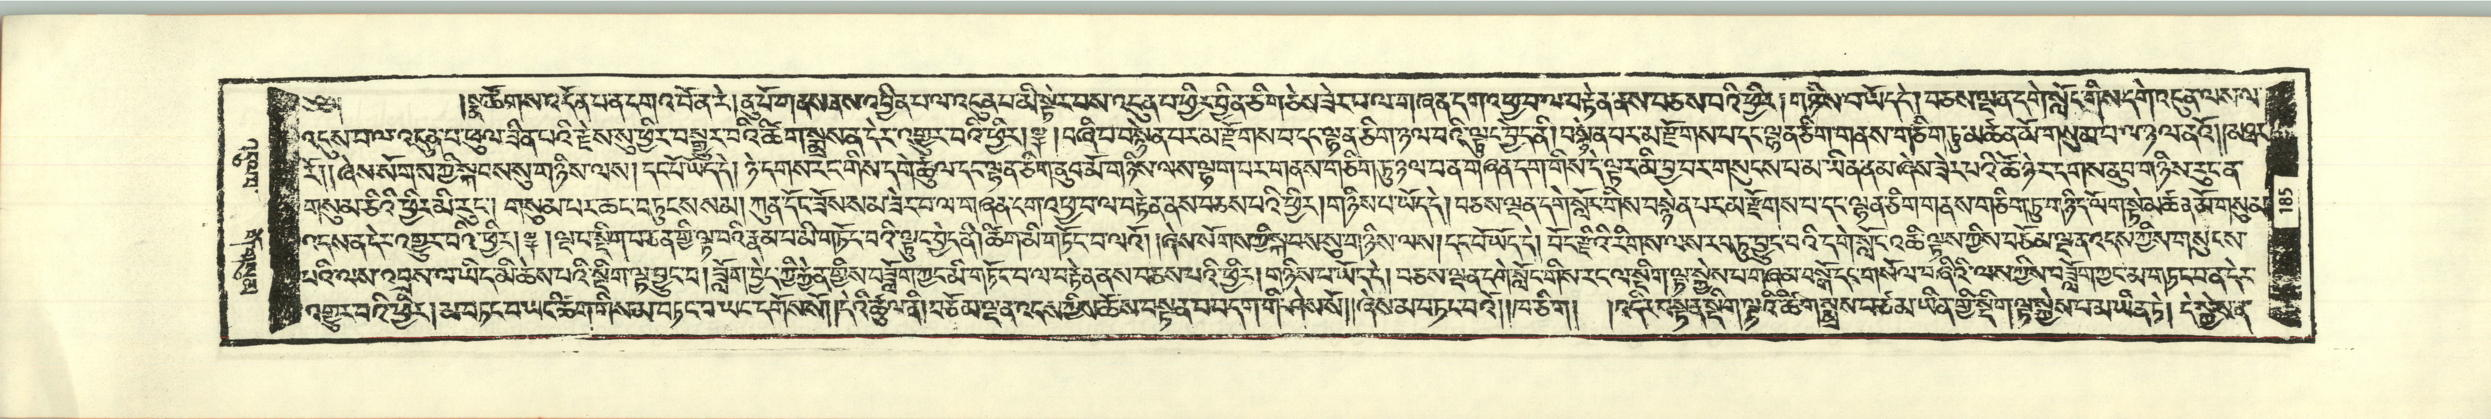༄༅། །སྣ་ཚོགས་འདོན་པ་ན་རེ། ནུ་པོ་གནས་ནས་འབྱིན་པ་ལ་འདུན་པ་མི་སྟེར་བས་འདུན་པ་ཕྱིར་བྱིན་ཅིག་ཅེས་ཟེར་བ་ལ་གཞན་དགའ་ཕྱ་བ་ལ་བརྟེན་ནས་བཅས་པའི་ཕྱིར། གཉིས་པ་ཡོད་དེ། བཅས་ལྡན་དགེ་སློང་གིས་དགེ་འདུན་ལས་ལ་
འདུས་པ་ལ་འདུན་པ་ཕུལ་ཟིན་པའི་རྗེས་སུ་ཕྱིར་བསྒྱུར་བའི་ཚིག་སྨྲས་ན་དེར་འགྱུར་བའི་ཕྱིར། ༈ །བཞི་པ་བསྙེན་པར་མ་རྫོགས་པ་དང་ལྷན་ཅིག་ཉལ་བའི་ལྟུང་བྱེད་ནི། བསྙེན་པར་མ་རྫོགས་པ་དང་ལྷན་ཅིག་གནས་གཅིག་ཏུ་མཚན་མོ་གསུམ་པ་ལ་ཉལ་ནའོ། །མཐར་
རོ། །ཞེས་སོགས་ཀྱི་སྐབས་སུ་གཉིས་ལས། དང་པོ་ཡོད་དེ། ཉེ་དགས་རང་གིས་དགེ་ཚུལ་དང་ལྷན་ཅིག་ནུབ་མོ་གཉིས་ལས་ལྷག་པར་གནས་གཅིག་ཏུ་ཉལ་བ་ན་གཞན་དག་གིས་དེ་ལྟར་མི་བྱ་བར་གསུངས་པ་མ་ཡིན་ནམ་ཞེས་ཟེར་པའི་ཚེ་ཉེར་དགས་ནུབ་གཉིས་རུང་ན་
གསུམ་ཅིའི་ཕྱིར་མི་རུང་། གསུམ་པར་ཆང་བཏུངས་སམ། ཀུན་དོང་ཟོས་སམ་ཟེར་བ་ལ་གཞན་དག་འཕྱ་བ་ལ་བརྟེན་ནས་བཅས་པའི་ཕྱིར། གཉིས་པ་ཡོད་དེ། བཅས་ལྡན་དགེ་སློང་གིས་བསྙེན་པར་མ་རྫོགས་པ་དང་ལྷན་ཅིག་གནས་གཅིག་ཏུ་གཉིད་ལོག་སྟེ་མཚན་མོ་གསུམ་
འདས་ན་དེར་འགྱུར་བའི་ཕྱིར། ༈ །ལྔ་པ་སྡིག་པ་ཅན་གྱི་ལྟ་བའི་རྣམ་པ་མི་གཏོང་བའི་ལྟུང་བྱེད་ནི། ཚིག་མི་གཏོང་བ་ལའོ། །ཞེས་སོགས་ཀྱི་སྐབས་སུ་གཉིས་ལས། དང་པོ་ཡོད་དེ། བོང་རྫིའི་རིགས་ལས་རབ་ཏུ་བྱུང་བའི་དགེ་སློང་འཆི་ལྟས་ཀྱིས་བཅོམ་ལྡན་འདས་ཀྱིས་གསུངས་
པའི་ལས་འབྲས་ལ་ཡིད་མི་ཆེས་པའི་སྡིག་ལྟ་བྱུང་བ། ཟློག་བྱེད་ཀྱི་རྐྱེན་གྱིས་བཟློག་ཀྱང་མི་གཏོང་བ་ལ་བརྟེན་ནས་བཅས་པའི་ཕྱིར། གཉིས་པ་ཡོད་དེ། བཅས་ལྡན་དགེ་སློང་གིས་རང་ལ་སྡིག་ལྟ་སྐྱེས་པ་གཞམ་བསྒོ་དང་གསོལ་བཞིའི་ལས་ཀྱིས་བཟློག་ཀྱང་མ་གཏང་བ་ན་དེར་
འགྱུར་བའི་ཕྱིར། མ་བཏང་བ་ཡང་ཚིག་གིས་མ་བཏང་བ་ཡང་དགོས་སོ། །དེའི་ཚུལ་ནི། བཅོམ་ལྡན་འདས་ཀྱིས་ཆོས་བསྟན་བ་བདག་གི་ཤེས་སོ། །ཞེས་མ་བཏང་བའོ། །ཁ་ཅིག །འདིར་བསྟན་སྡིག་ལྟའི་ཚིག་སྨྲས་པ་ཙམ་ཡིན་གྱི་སྡིག་ལྟ་སྐྱེས་པ་མ་ཡིན་ཏེ། དེ་སྐྱེས་ན་